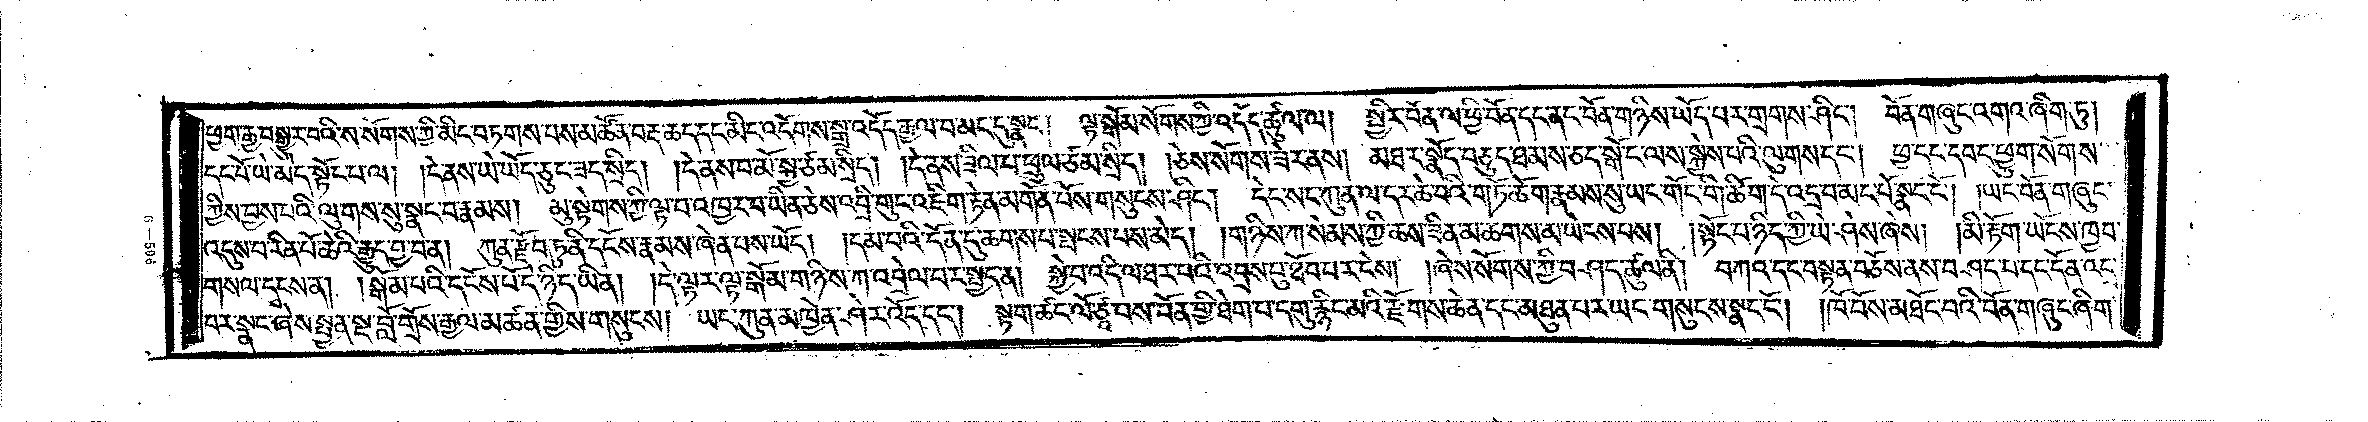ཕྱག་རྒྱ་བསྒྱུར་བའི་ས་སོགས་ཀྱི་མིང་བཏགས་པས་མཚོན་བརྡ་ཆད་དང་མིང་འདོགས་སྒྲ་འདོད་རྒྱལ་བ་མང་དུ་སྣང་། ལྟ་སྒོམ་སོགས་ཀྱི་འདོད་ཚུལ་ལ། སྤྱིར་བོན་ལ་ཕྱི་བོན་དང་ནང་བོན་གཉིས་ཡོད་པར་གྲགས་ཤིང་། བོན་གཞུང་འགའ་ཞིག་ཏུ།
དང་པོ་ཡེ་མེད་སྟོང་པ་ལ། །དེ་ནས་ཡེ་ཡོད་ཅུང་ཟད་སྲིད། །དེ་ནས་བ་མོ་སྐྱ་ཙམ་སྲིད། །དེ་ནས་ཟིལ་པ་ཕྲུལ་ཙམ་སྲིད། །ཅེས་སོགས་ཟེར་ནས། མཐར་སྣོད་བཅུད་ཐམས་ཅད་སྒོ་ང་ལས་སྐྱེས་པའི་ལུགས་དང་། ཕྱ་དང་དབང་ཕྱུག་སོགས་
ཀྱིས་བྱས་པའི་ལུགས་སུ་སྣང་བ་རྣམས། མུ་སྟེགས་ཀྱི་ལྟ་བ་འཁྱར་པ་ཡིན་ཅེས་འབྲི་གུང་འཇིག་རྟེན་མགོན་པོས་གསུངས་ཤིང་། དེང་སང་ཀུན་ལ་དར་ཆེ་བའི་གཏོ་ཆོག་རྣམས་སུ་ཡང་གོང་གི་ཚིག་དེ་འདྲ་བ་མང་པོ་སྣང་ངོ། །ཡང་བོན་གཞུང་
འདུས་པ་རིན་པོ་ཆེའི་རྒྱུད་བྱ་བ་ན། ཀུན་རྫོབ་ཏུ་ནི་དངོས་རྣམས་ཞེན་པས་ཡོད། །དམ་པའི་དོན་དུ་ཆགས་པ་སྤངས་པས་མེད། །གཉིས་ཀ་སེམས་ཀྱི་ཆས་ཟིན་མ་ཆགས་མ་ཡེངས་པས། །སྟོང་པ་ཉིད་ཀྱི་ཡེ་ཤེས་ཞེས། །མི་རྟོག་ཡོངས་ཁྱབ་
གསལ་དྭངས་ན། །སྒོམ་པའི་དངོས་པོ་དེ་ཉིད་ཡིན། །དེ་ལྟར་ལྟ་སྒོམ་གཉིས་ཀ་འབྲེལ་པར་སྤྱད་ན། སྐྱེ་བ་འདི་ལ་ཐར་པའི་འབྲས་བུ་ཐོབ་པར་ངེས། །ཞེས་སོགས་ཀྱི་བཤད་ཚུལ་ནི། བཀའ་དང་བསྟན་བཅོས་ནས་བཤད་པ་དང་དོན་འདྲ་
བར་སྣང་ཞེས་སྤྱན་སྔ་བློ་གྲོས་རྒྱལ་མཚན་གྱིས་གསུངས། ཡང་ཀུན་མཁྱེན་ཤེར་འོད་དང་། སྟག་ཚང་ལོ་ཙཱ་བ་ས་བོན་གྱི་ཐེག་པ་དགུ་རྙིང་མའི་རྫོགས་ཆེན་དང་མཐུན་པར་ཡང་གསུངས་སྣང་ངོ། །ཁོ་བོས་མཐོང་བའི་བོན་གཞུང་ཞིག་